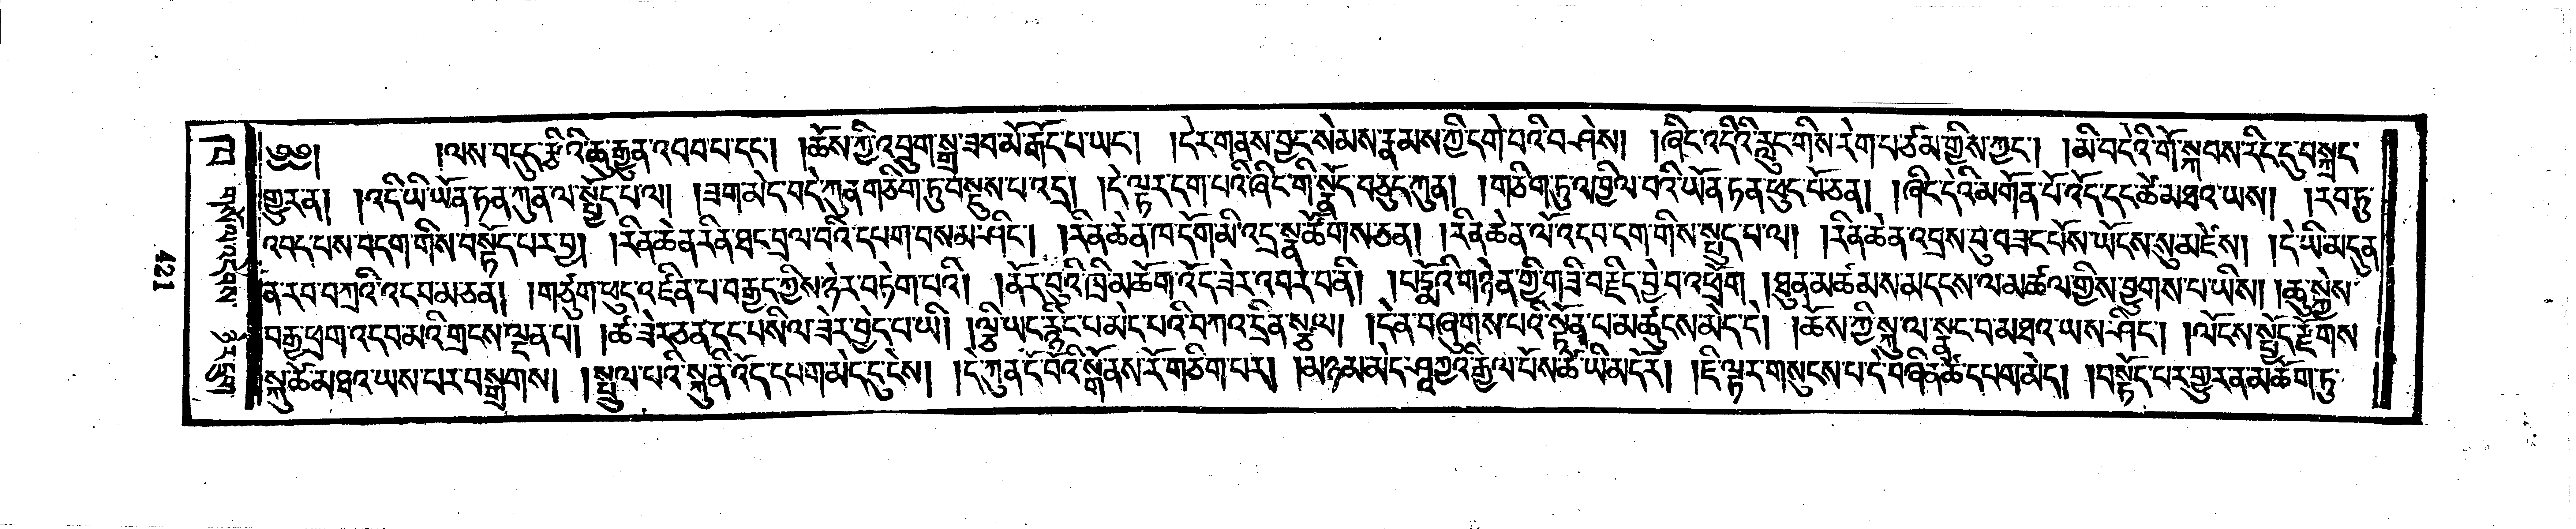༄༅། །ལས་བདུད་རྩིའི་ཆུ་རྒྱུན་འབབ་པ་དང་། །ཆོས་ཀྱི་འབྲུག་སྒྲ་ཟབ་མོ་རྒོད་པ་ཡང་། །དེར་གནས་བྱང་སེམས་རྣམས་ཀྱི་དགེ་བའི་བཤེས། །ཞིང་འདིའི་རླུང་གིས་རེག་པ་ཙམ་གྱིས་ཀྱང་། །མི་བདེའི་གོ་སྐབས་རིང་དུ་བསྐྲད་
གྱུར་ན། །འདི་ཡི་ཡོན་ཏན་ཀུན་ལ་སྤྱོད་པ་ལ། །ཟག་མེད་བདེ་ཀུན་གཅིག་ཏུ་བསྡུས་པ་འདྲ། །དེ་ལྟར་དག་པའི་ཞིང་གི་སྣོད་བཅུད་ཀུན། །གཅིག་ཏུ་འཁྱིལ་བའི་ཡོན་ཏན་ཕུང་པོ་ཅན། །ཞིང་དེའི་མགོན་པོ་འོད་དང་ཚེ་མཐའ་ཡས། །རབ་ཏུ་
འབད་པས་བདག་གིས་བསྟོད་པར་བྱ། །རིན་ཆེན་རིན་ཐང་བྲལ་བའི་དཔག་བསམ་ཤིང་། །རིན་ཆེན་ཁ་དོག་མི་འདྲ་སྣ་ཚོགས་ཅན། །རིན་ཆེན་ལོ་འདབ་ངག་གིས་སྤུད་པ་ལ། །རིན་ཆེན་འབྲས་བུ་བཟང་པོས་ཡོངས་སུ་མཛེས། །དེ་ཡི་མདུན་
ན་རབ་བཀྲའི་འདབ་མ་ཅན། །གཙུག་ཕུད་འཛིན་པ་བརྒྱད་ཀྱིས་ཉེར་བཏེག་པའི། །ནོར་བུའི་ཁྲི་མཆོག་འོད་ཟེར་འབར་བ་ནི། །པདམོའི་གཉེན་གྱི་གཟི་བརྗིད་བྱེ་བ་འཕྲོག །ཐུན་མཚམས་མདངས་ལ་མཚལ་གྱིས་བྱུགས་པ་ཡིས། །ཆུ་སྐྱེས་
བརྒྱ་ཕྲག་འདབ་མའི་གྲངས་ལྡན་པ། །ཚ་ཟེར་ཅན་དང་བསིལ་ཟེར་བྱེད་པ་ཡི། །ལྕི་ཡང་རྙིང་པ་མེད་པའི་བཀའ་དྲིན་སྩལ། །དེ་ན་བཞུགས་པའི་སྟོན་པ་མཚུངས་མེད་དེ། །ཆོས་ཀྱི་སྐུ་ལ་སྣང་བ་མཐའ་ཡས་ཤིང་། །ལོངས་སྤྱོད་རྫོགས་
སྐུ་ཚེ་མཐའ་ཡས་པར་བསྒྲགས། །སྤྲུལ་པའི་སྐུ་ནི་འོད་དཔག་མེད་དུ་ངེས། །དེ་ཀུན་ངོ་བོའི་སྒོ་ནས་རོ་གཅིག་པར། །མཉམ་མེད་ཤཱཀྱའི་རྒྱལ་པོས་ཚེ་ཡི་མདོར། །ཇི་ལྟར་གསུངས་པ་དེ་བཞིན་ཚེ་དཔག་མེད། །བསྟོད་པར་གྱུར་ན་མཆོག་ཏུ་